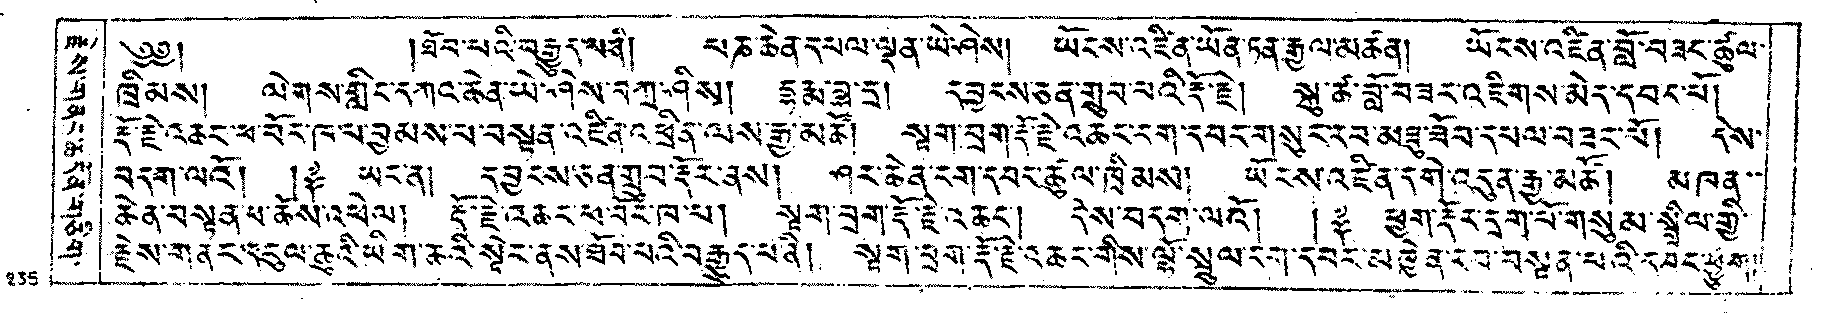༄༅། །ཐོབ་པའི་བརྒྱུད་པ་ནི། པཎ་ཆེན་དཔལ་ལྡན་ཡེ་ཤེས། ཡོངས་འཛིན་ཡོན་ཏན་རྒྱལ་མཚན། ཡོངས་འཛིན་བློ་བཟང་ཚུལ་
ཁྲིམས། ལེགས་གླིང་དཀའ་ཆེན་ཡེ་ཤེས་བཀྲ་ཤིས། དྷརྨ་བྷ་དྲ། དབྱངས་ཅན་གྲུབ་པའི་རྡོ་རྗེ། སྐུ་ཚ་བློ་བཟང་འཇིགས་མེད་དབང་པོ།
རྡོ་རྗེ་འཆང་ཕ་བོང་ཁ་པ་བྱམས་པ་བསྟན་འཛིན་འཕྲིན་ལས་རྒྱ་མཚོ། སྟག་བྲག་རྡོ་རྗེ་འཆང་ངག་དབང་གསུང་རབ་མཐུ་ཐོབ་དཔལ་བཟང་པོ། དེས་
བདག་ལའོ། ། ༈ ཡང་ན། དབྱངས་ཅན་གྲུབ་རྡོར་ནས། ཤར་ཆེན་ངག་དབང་ཚུལ་ཁྲིམས། ཡོངས་འཛིན་དགེ་འདུན་རྒྱ་མཚོ། མཁན་
ཆེན་བསྟན་པ་ཆོས་འཕེལ། རྡོ་རྗེ་འཆང་ཕ་བོང་ཁ་པ། སྟག་བྲག་རྡོ་རྗེ་འཆང་། དེས་བདག་ལའོ། །༈ ཕྱག་རྡོར་དྲག་པོ་གསུམ་སྒྲིལ་གྱི་
རྗེས་གནང་དངུལ་ཆུའི་ཡིག་ཆའི་སྟེང་ནས་ཐོབ་པའི་བརྒྱུད་པ་ནི། སྟག་བྲག་རྡོ་རྗེ་འཆང་གིས་ལྷོ་སྤྲུལ་ངག་དབང་མཁྱེན་རབ་བསྟན་པའི་དབང་ཕྱུག །